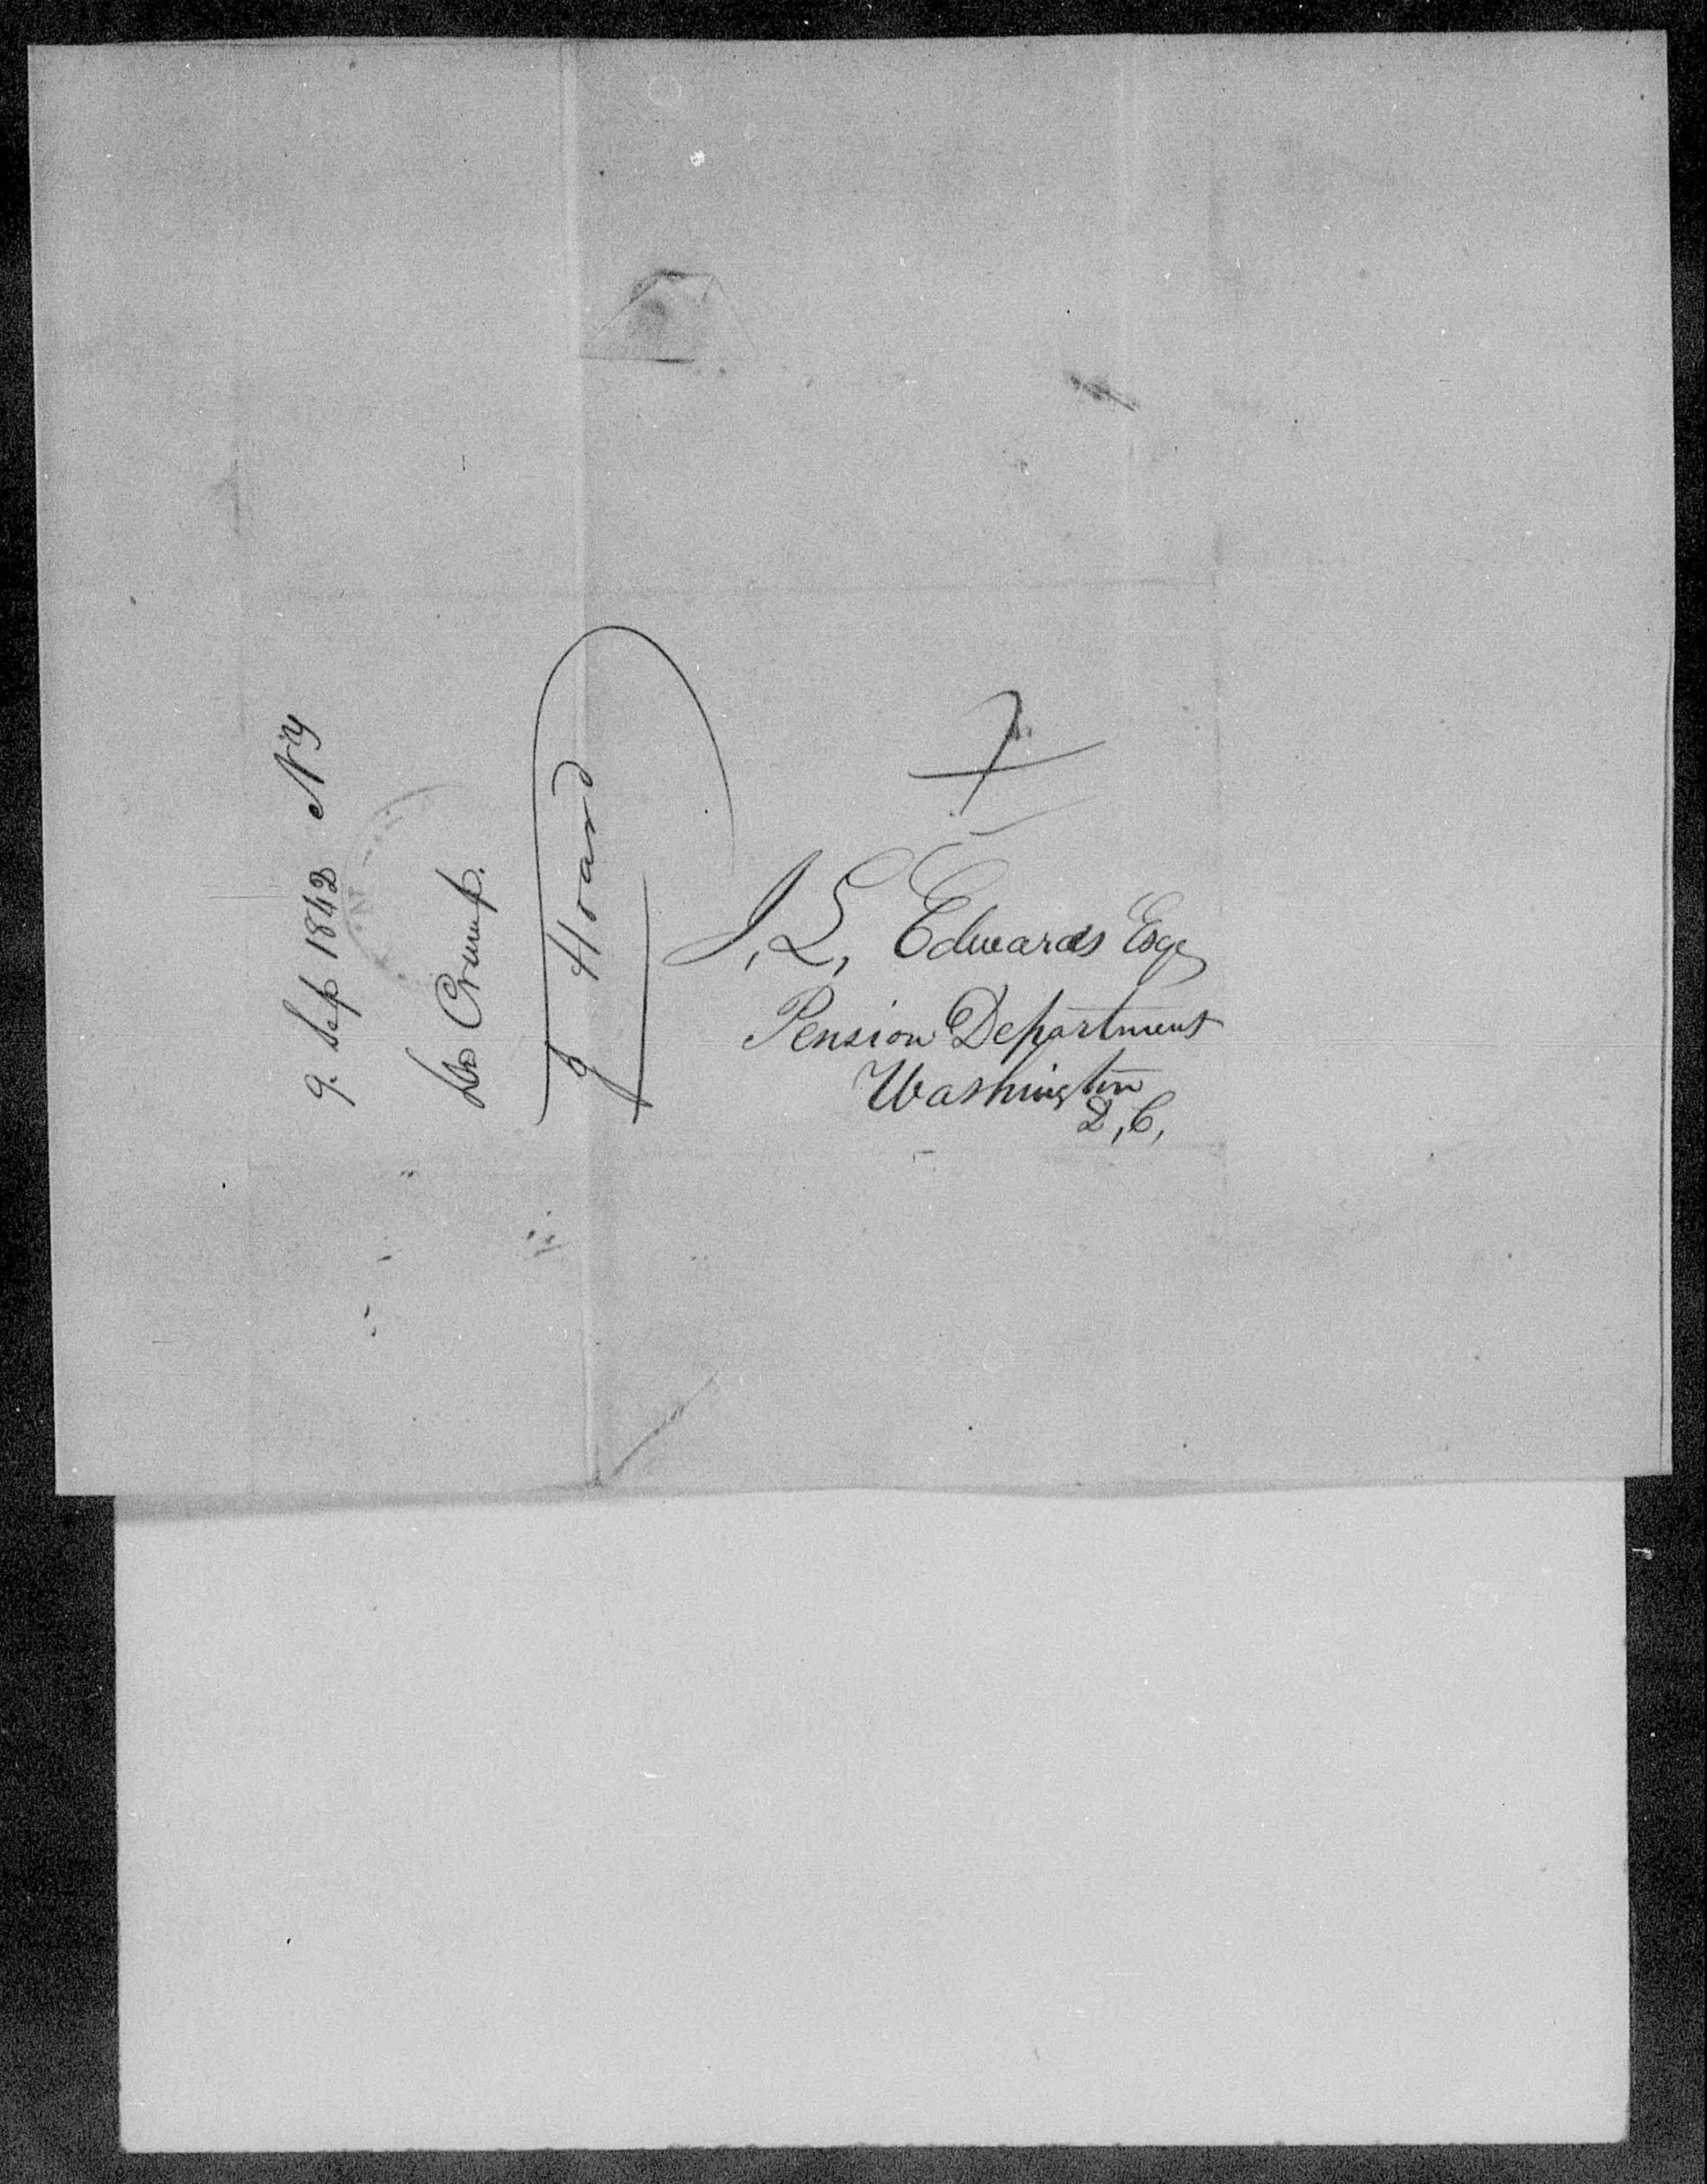[the following is written vertically from bottom to top on the left side of the]
9. Sep 1842 NY
Dr. Crump
J Hoard 
[the following is written right to left in center of page]
+
J.L. Edwards Esq
Pension Department
Washington
D.C.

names: Crump, J Hoard, J L Edwards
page: 27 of 52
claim: widow's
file: W 19755, Jonathan Hoard, Mass.